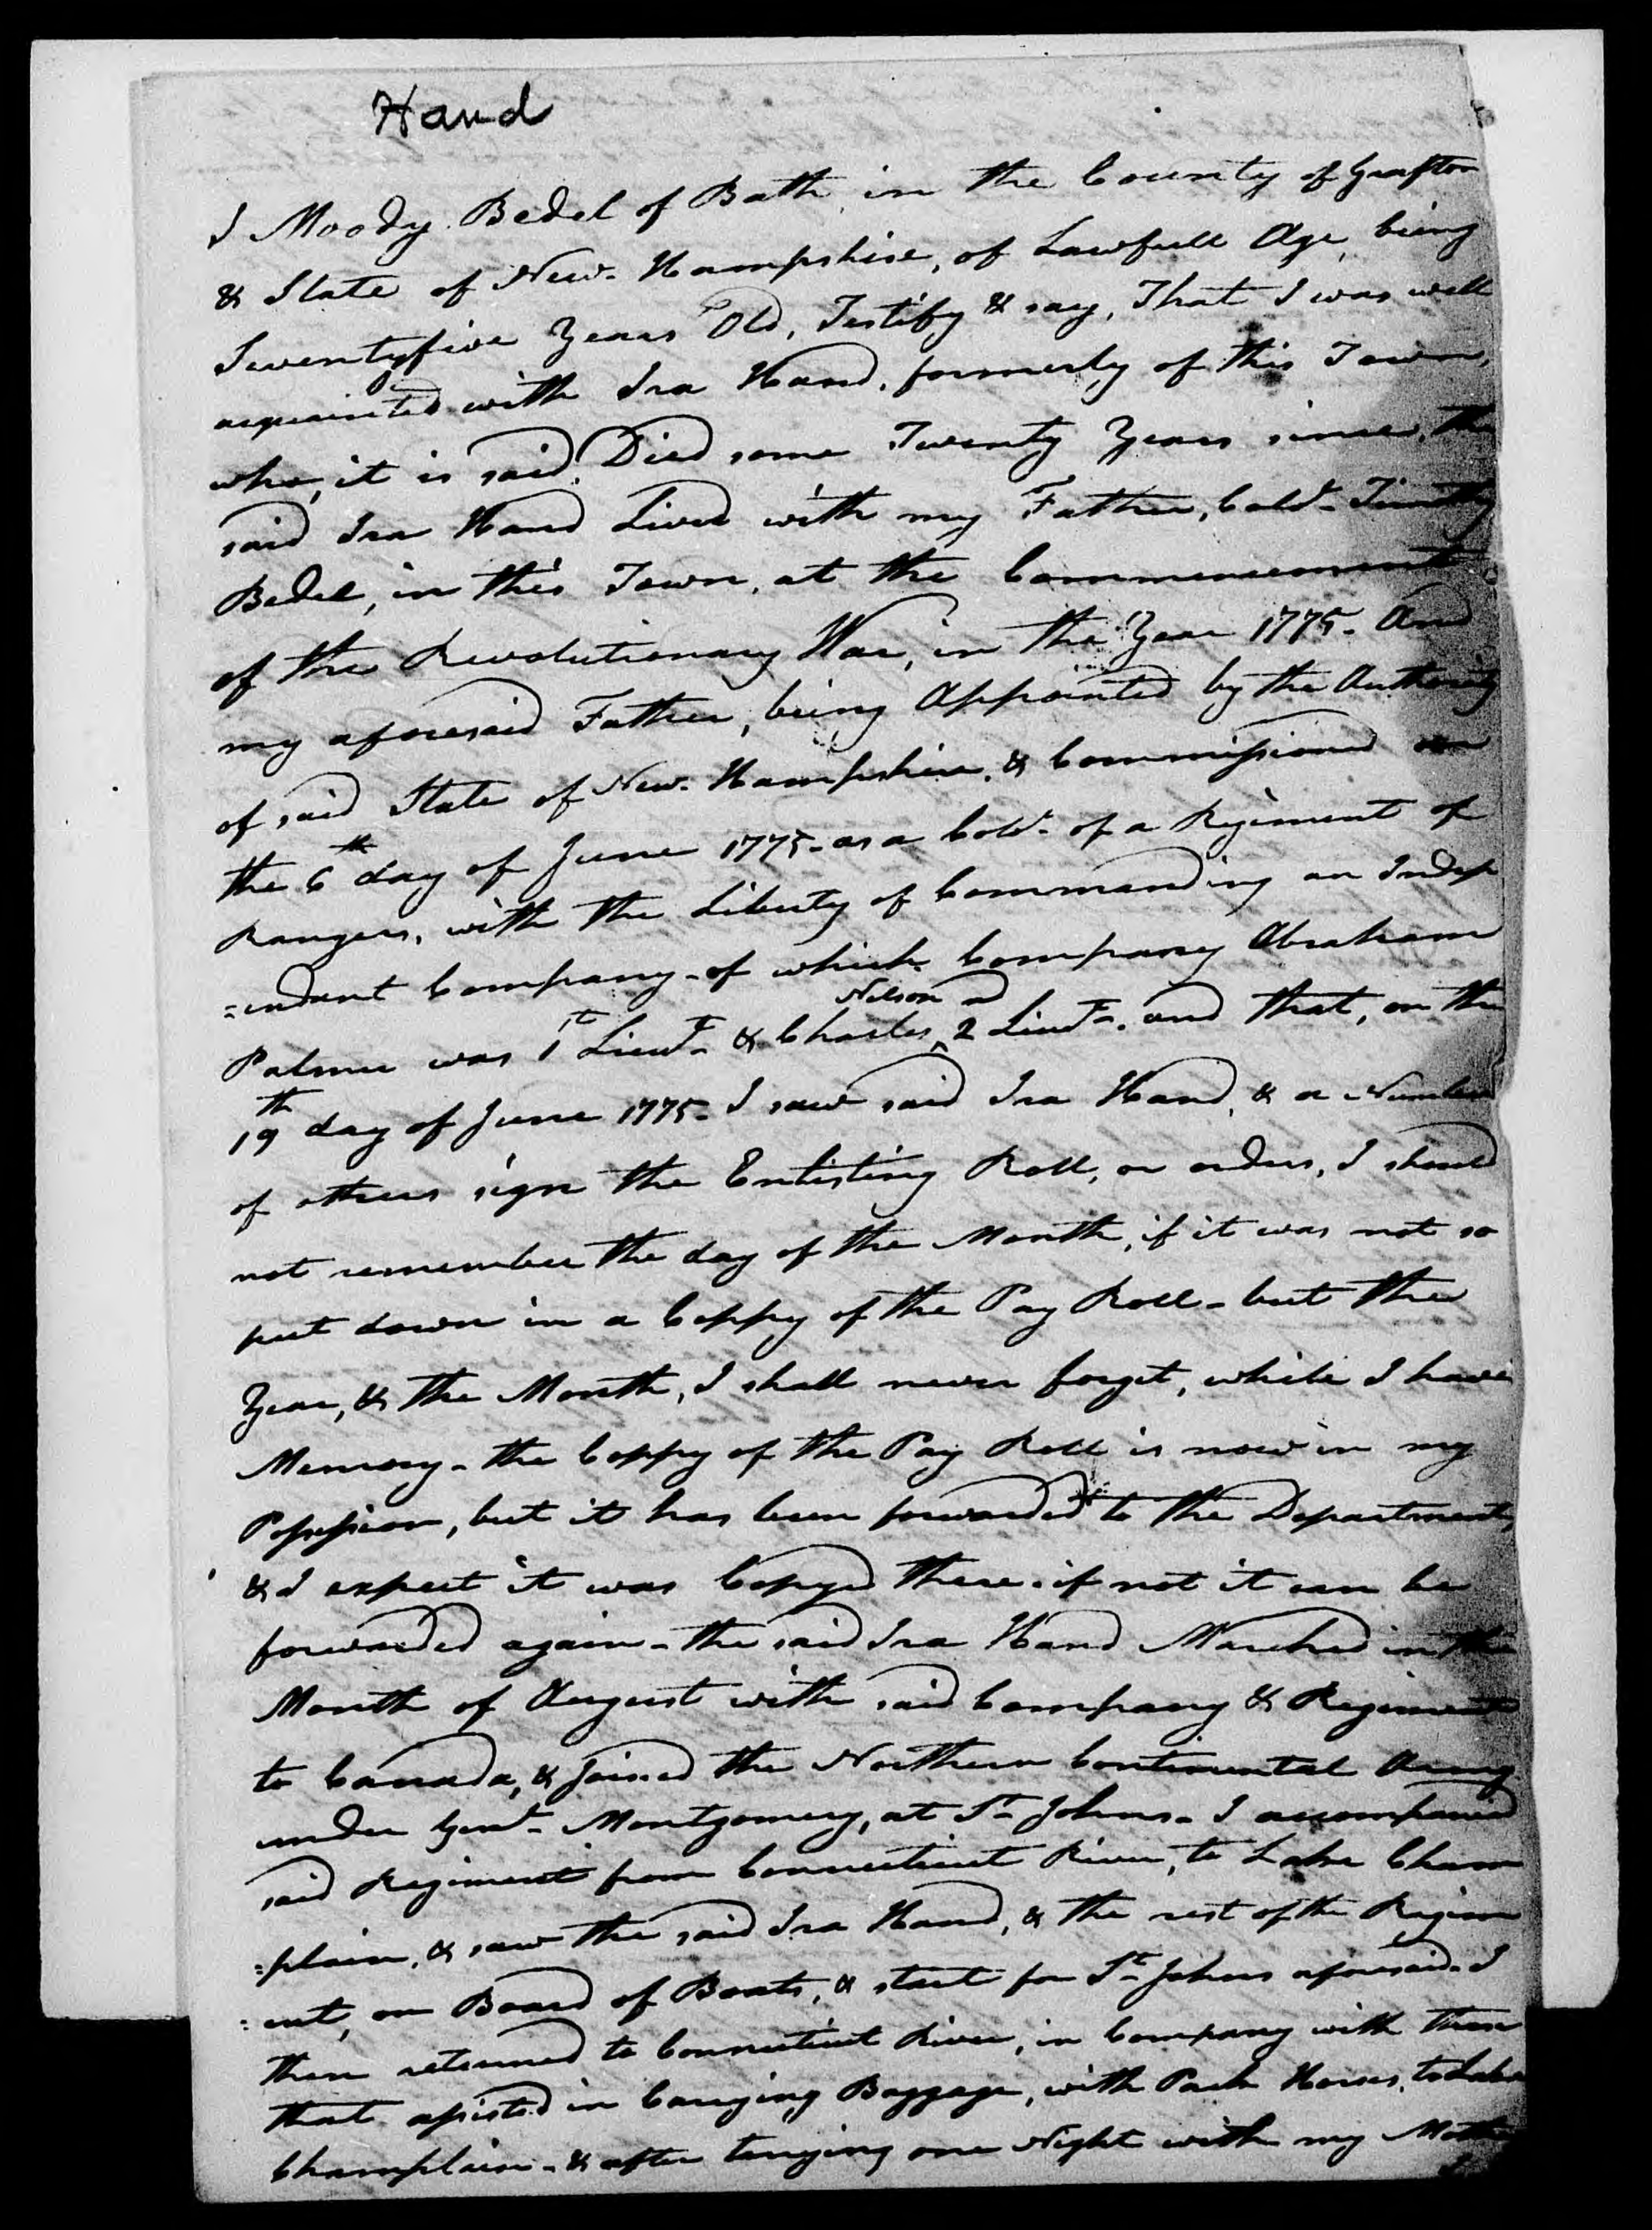Hand
I Moody Bedel of Bath in the County of Grafton
& State of New Hampshire, of Lawful age, being
Seventy-five years old. Testify & say, that I was well
acquainted with Ira Hand formerly of this Town
who it is said died some Twenty years
said Ira Hand had lived with my father, Colo Timothy Belue 
 in this Town, at the commencement
of the Revolutionary War, in the year 1775. An
my
aforesaid Father, being appointed by the Author of
said
State of New Hampshire & Commission
the
the 5 day of June 1775 as a Col of a Regiment
of
Rangers, with the liberty of commanding
an Independent
 Company of which Company Abraham
Palmer was a Lieut & Charles Line and that on the
the
19 day of June 1775 I saw said Ira and &
of other sign the Enlisting Roll, or orders
not
remember the day of the month, if it was not so
put down in a Copy of the Pay Roll, but the
year, & the month, I shall never forget, while I have
Memory, the Copy of the Pay Roll is now in my
Possession, but it has been forwarded to the Department
& I expect it was copied there. if not, it be
forwarded again the said Ira and Marched in
month of August with said Company & Regined
to Canada, & joined the Northern Continental army
under Genl Montgomery, at St Johns I accompany
said Regiment from Connecticut River to Lake Cham
plain & saw the said Ira Hand, & the rest of the
on Board of Boats & stand for St Johns aforesaid
then returned to Connecticut River, in company with the
that assisted in carrying Baggage with Park Horses to ┃
Champlain & after singing one night with my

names: Charles Nelson, Ira Hand, Timothy Bedel, Moody Bedel, Abraham Palmer, Montgomery, Johns, Ira Hand, Ira Hand, Ira Hand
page: 31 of 42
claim: widow's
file: W. 19,722, Ira Hand, N.H. Vt.